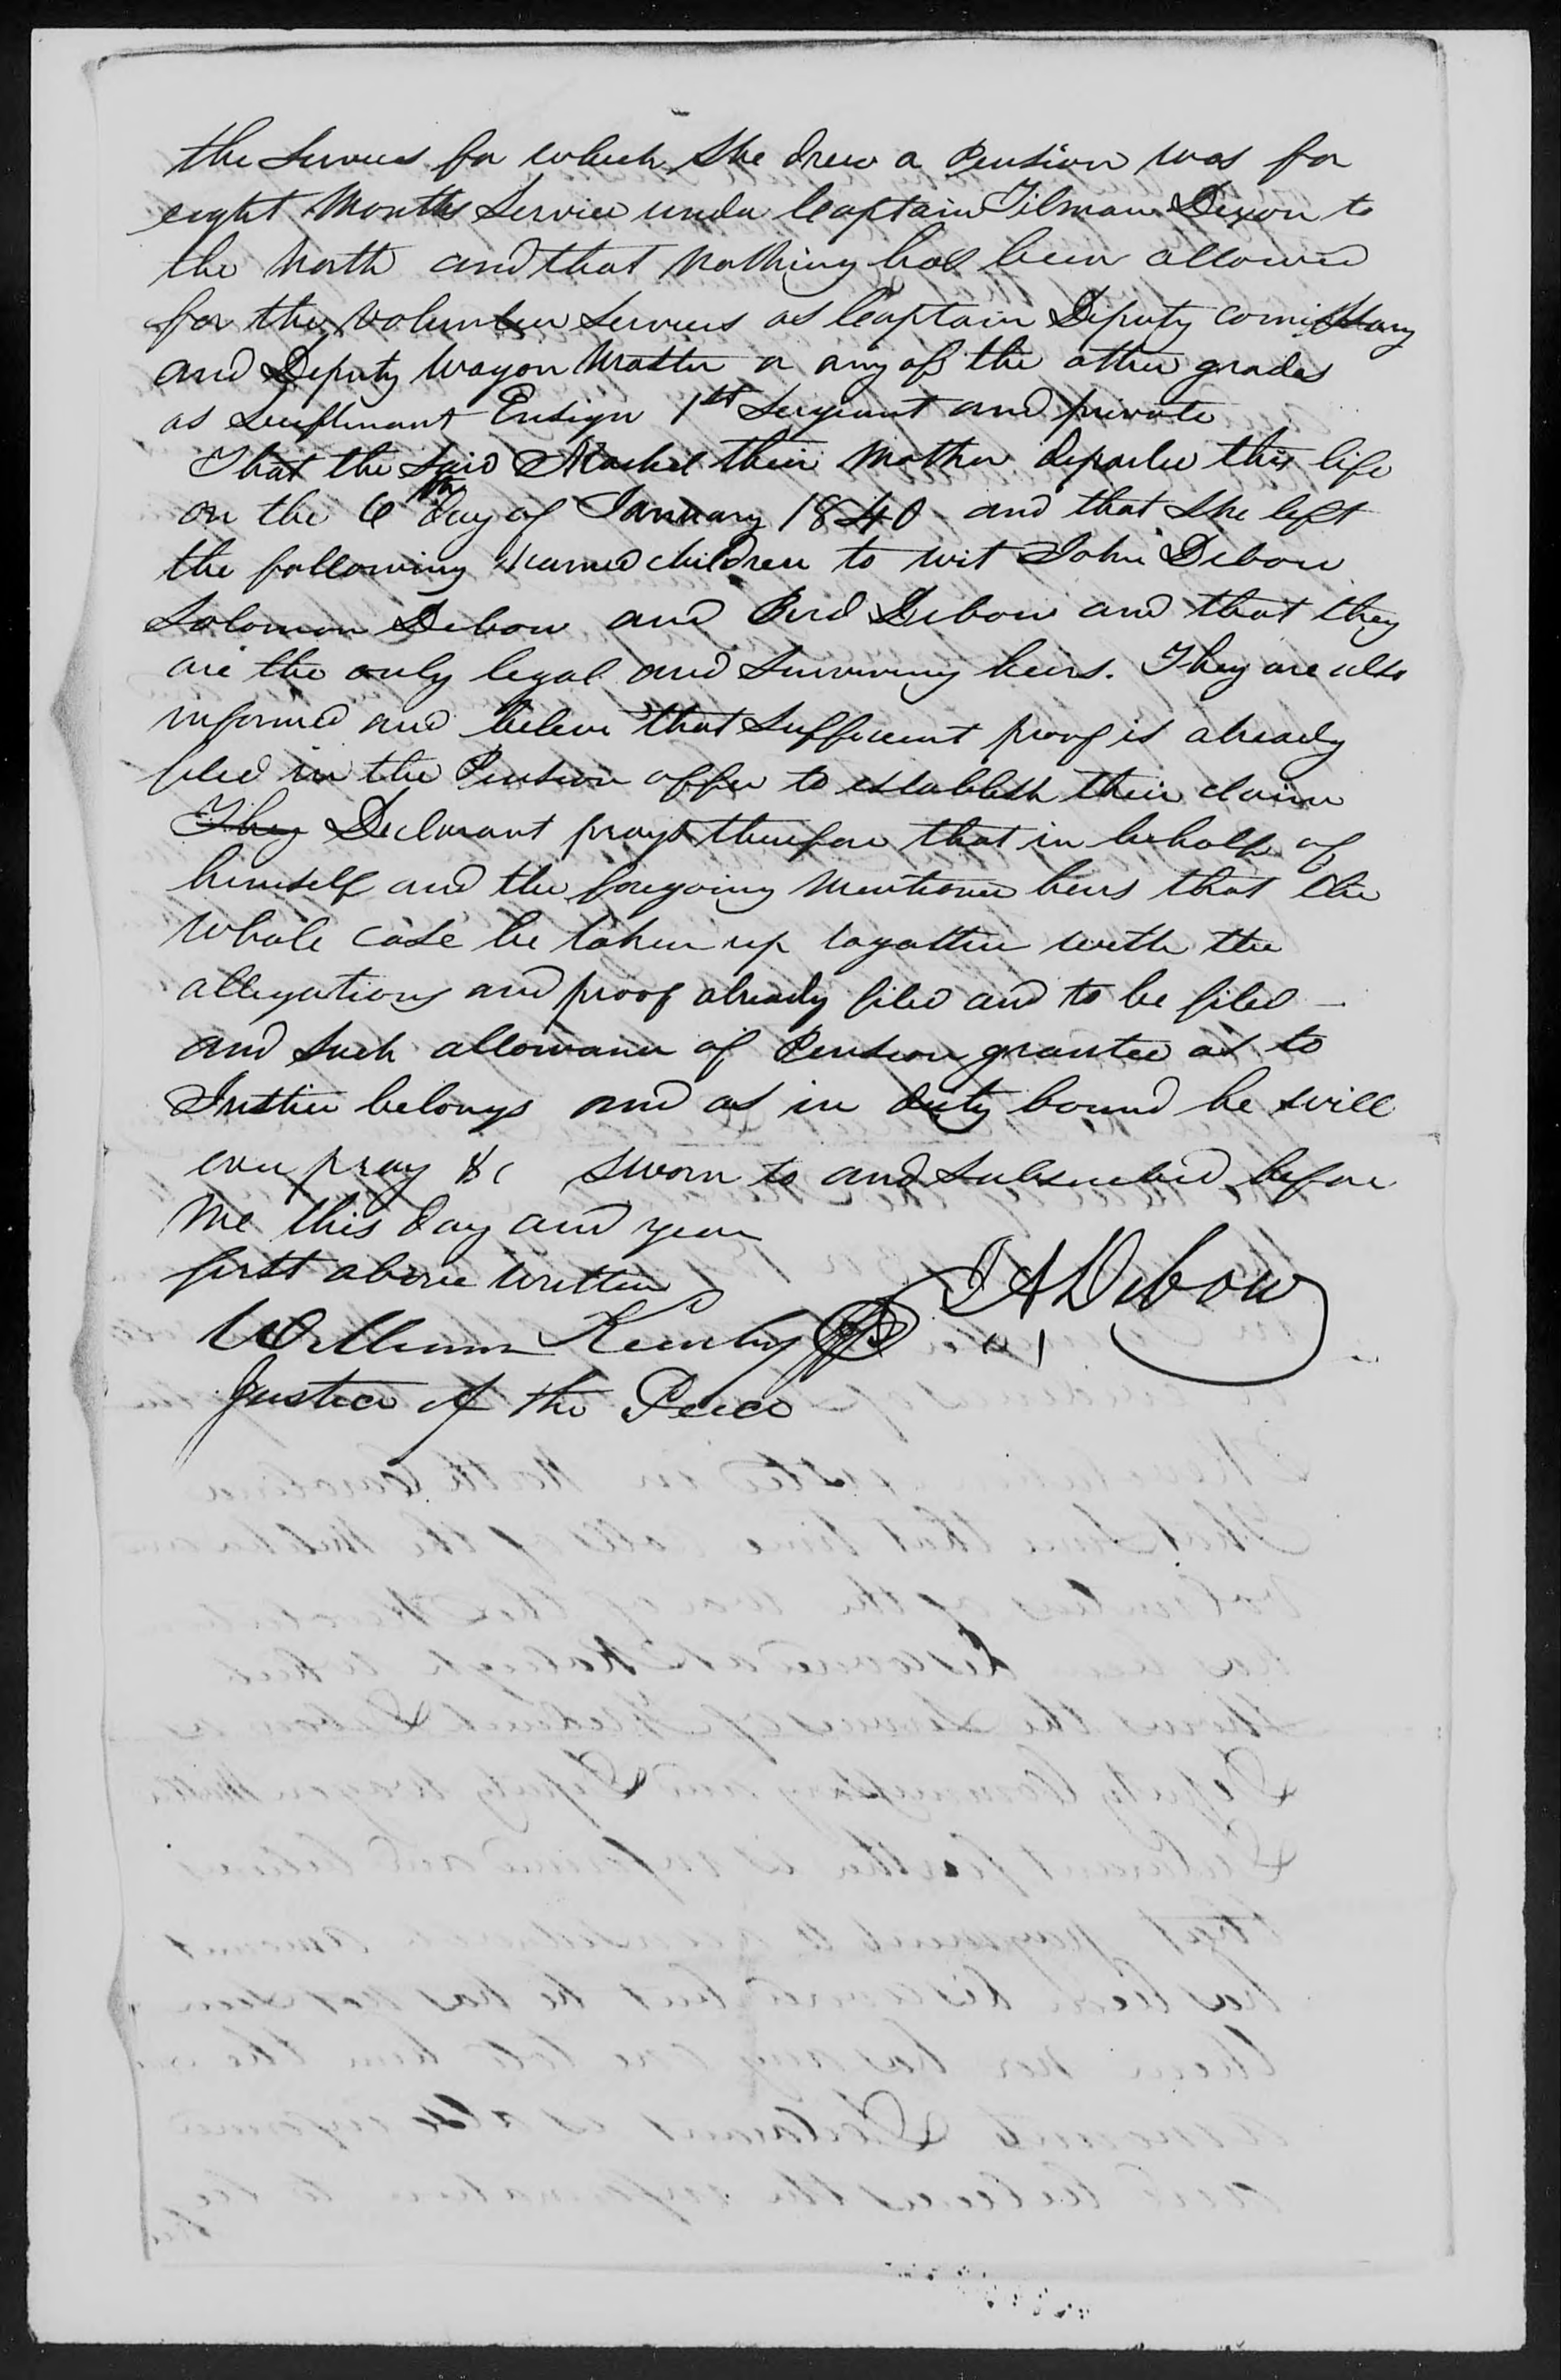The services for which she drew a pension was for eight months services under Captain Tilman Dixon to the north and that nothing has been allowed for the volunteer services as Captain Deputy [illegible] and Deputy Wagon Master or any of the other grades as [illegible] Ensign 1st Sergeant and Private that the said Rachel their mother departed this life on the 6ty day of January 1840 and that she left the following [illegible] children to wit John Debow Solomon Debow and Bird Debow and that they are the only legal and surviving heirs. They are all informed and believe that sufficient proof is already filed in the Pension office to establish their claims. [strike through THEY] Declarant prays therefore that in behalf of himself and the forgoing mentioned heirs that the whole case be taken up [illegible]
 With the allegations and proof already filed and to be filed and such allowance of Pension grantee as to Justice belongs and as in duty bound he will [illegible]
 Be worn to and subscribed before me this day and year first afore written
William Kearley	J A Debow
Justice of the Peaces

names: Rachel, Solomon Debow, Tilman Dixon, J A Debow, John Debow, Bird Debow, William Kearley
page: 17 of 62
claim: widow's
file: W 7005, Frederick Debow, N.C.